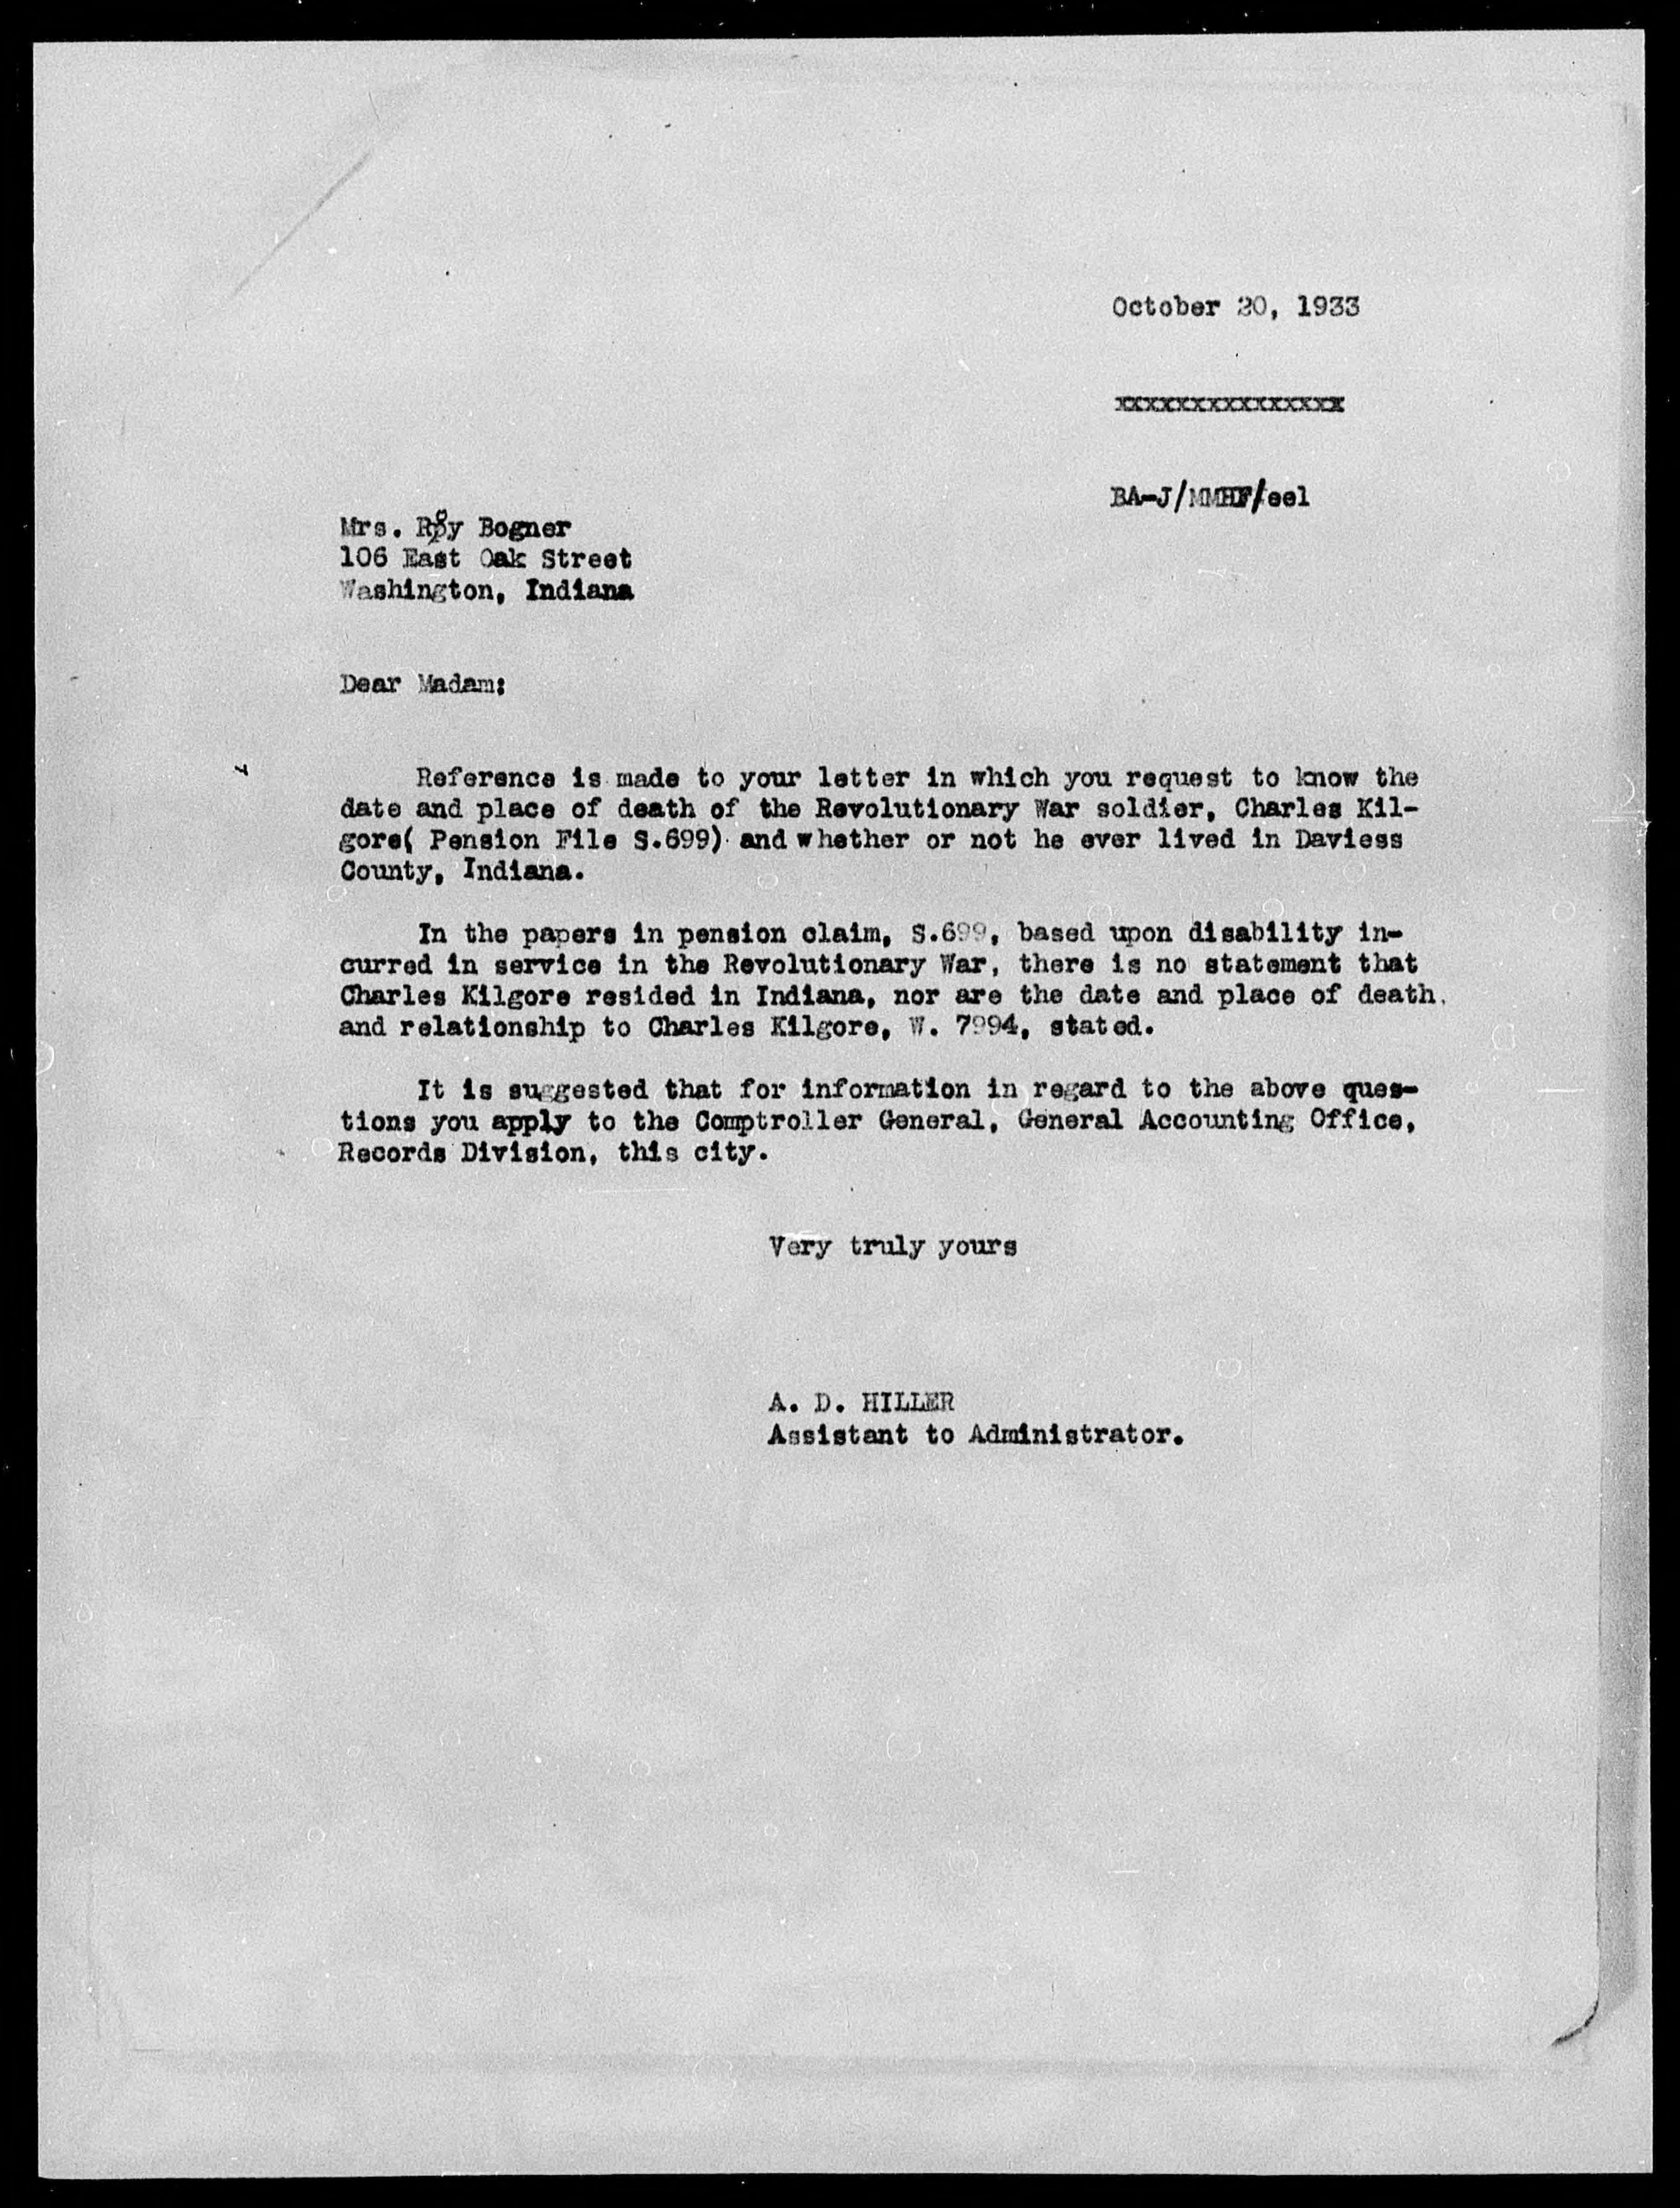October 20, 1933
BA-J/MMHF/eel

Mrs. Roy Bogner
106 East Oak Street
Washington, Indiana

Dear Madam:
Reference is made to your letter in which you request to know the date and place of death of the Revolutionary War soldier, Charles Kilgore( Pension File S.699) and whether or not he ever lived in Daviess County, Indiana.
In the papers in pension claim, S.699, based upon disability incurred in service in the Revolutionary War, there is no statement that Charles Kilgore resided in Indiana, nor are the date and place of death and relationship to Charles Kilgore, W. 7994, stated.
It is suggested that for information in regard to the above questions you apply to the Comptroller General, General Accounting Office, Records Division, this city.
Very truly yours
A. D. HILLER
Assistant to Administrator.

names: A D Hiller; Charles Kilgore; Roy Bogner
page: 14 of 115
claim: survivor's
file: S. 699, for Charles Kilgore, Virginia